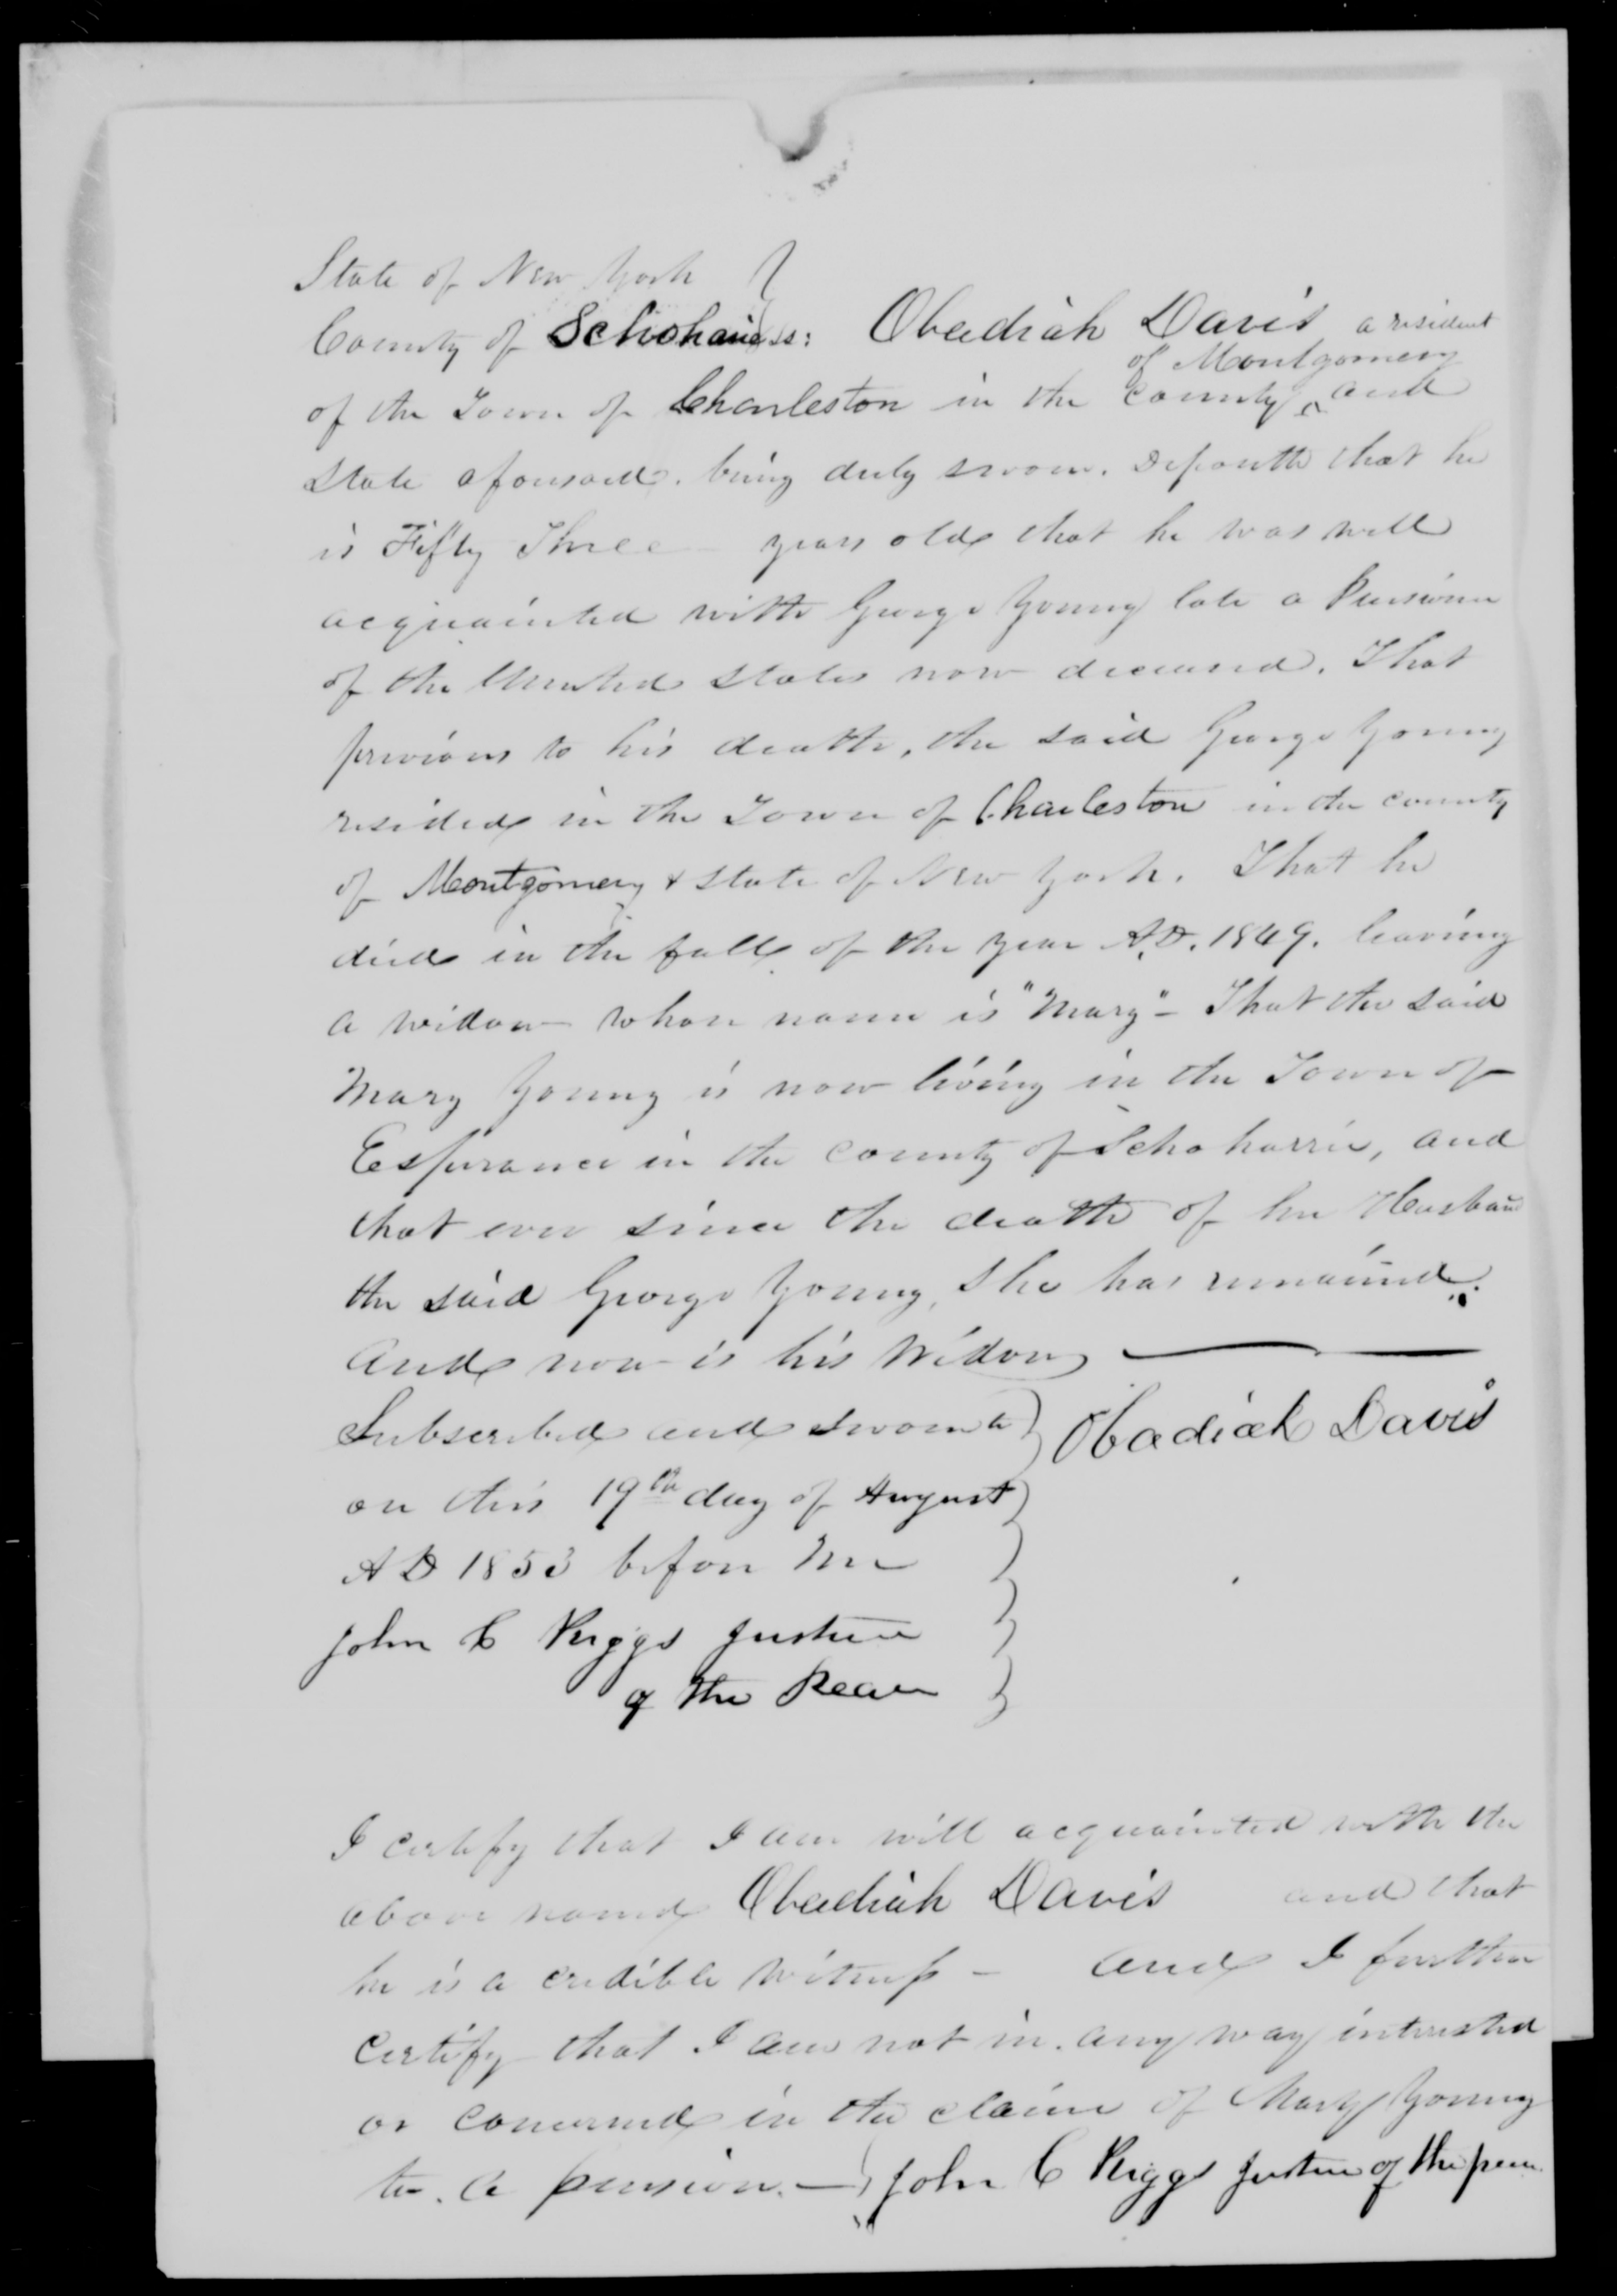State of New York
County of Schohanie: Obadiah Davis a resident of the town of Charleston in the County of Montgomery and state aforesaid, being duly sworn that he is fifty three years old that he was well acquainted with George Young late a pensioner of the United States now deceased.  That previous to his death the said George Young resided in the town of Charleston in the county of Montgomery and state of New York,  That he did in the fall of the year AD 1849.  leaving a widow -whose name is "Mary" - that the said Mary Young is now living in the town of Espiraner in the county of Schonhanie and that ever since the eath of her husband the said George Young she has remarried and now is his widdow Subscribed and sworn on this 19th day of August AD 1853 before John C Riggs Justice of the Peace
Obadiah Davis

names: Obadiah Davis, Mary Young, George Young, John C Riggs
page: 22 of 67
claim: widow's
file: W. 7379, George Young, New Jersey